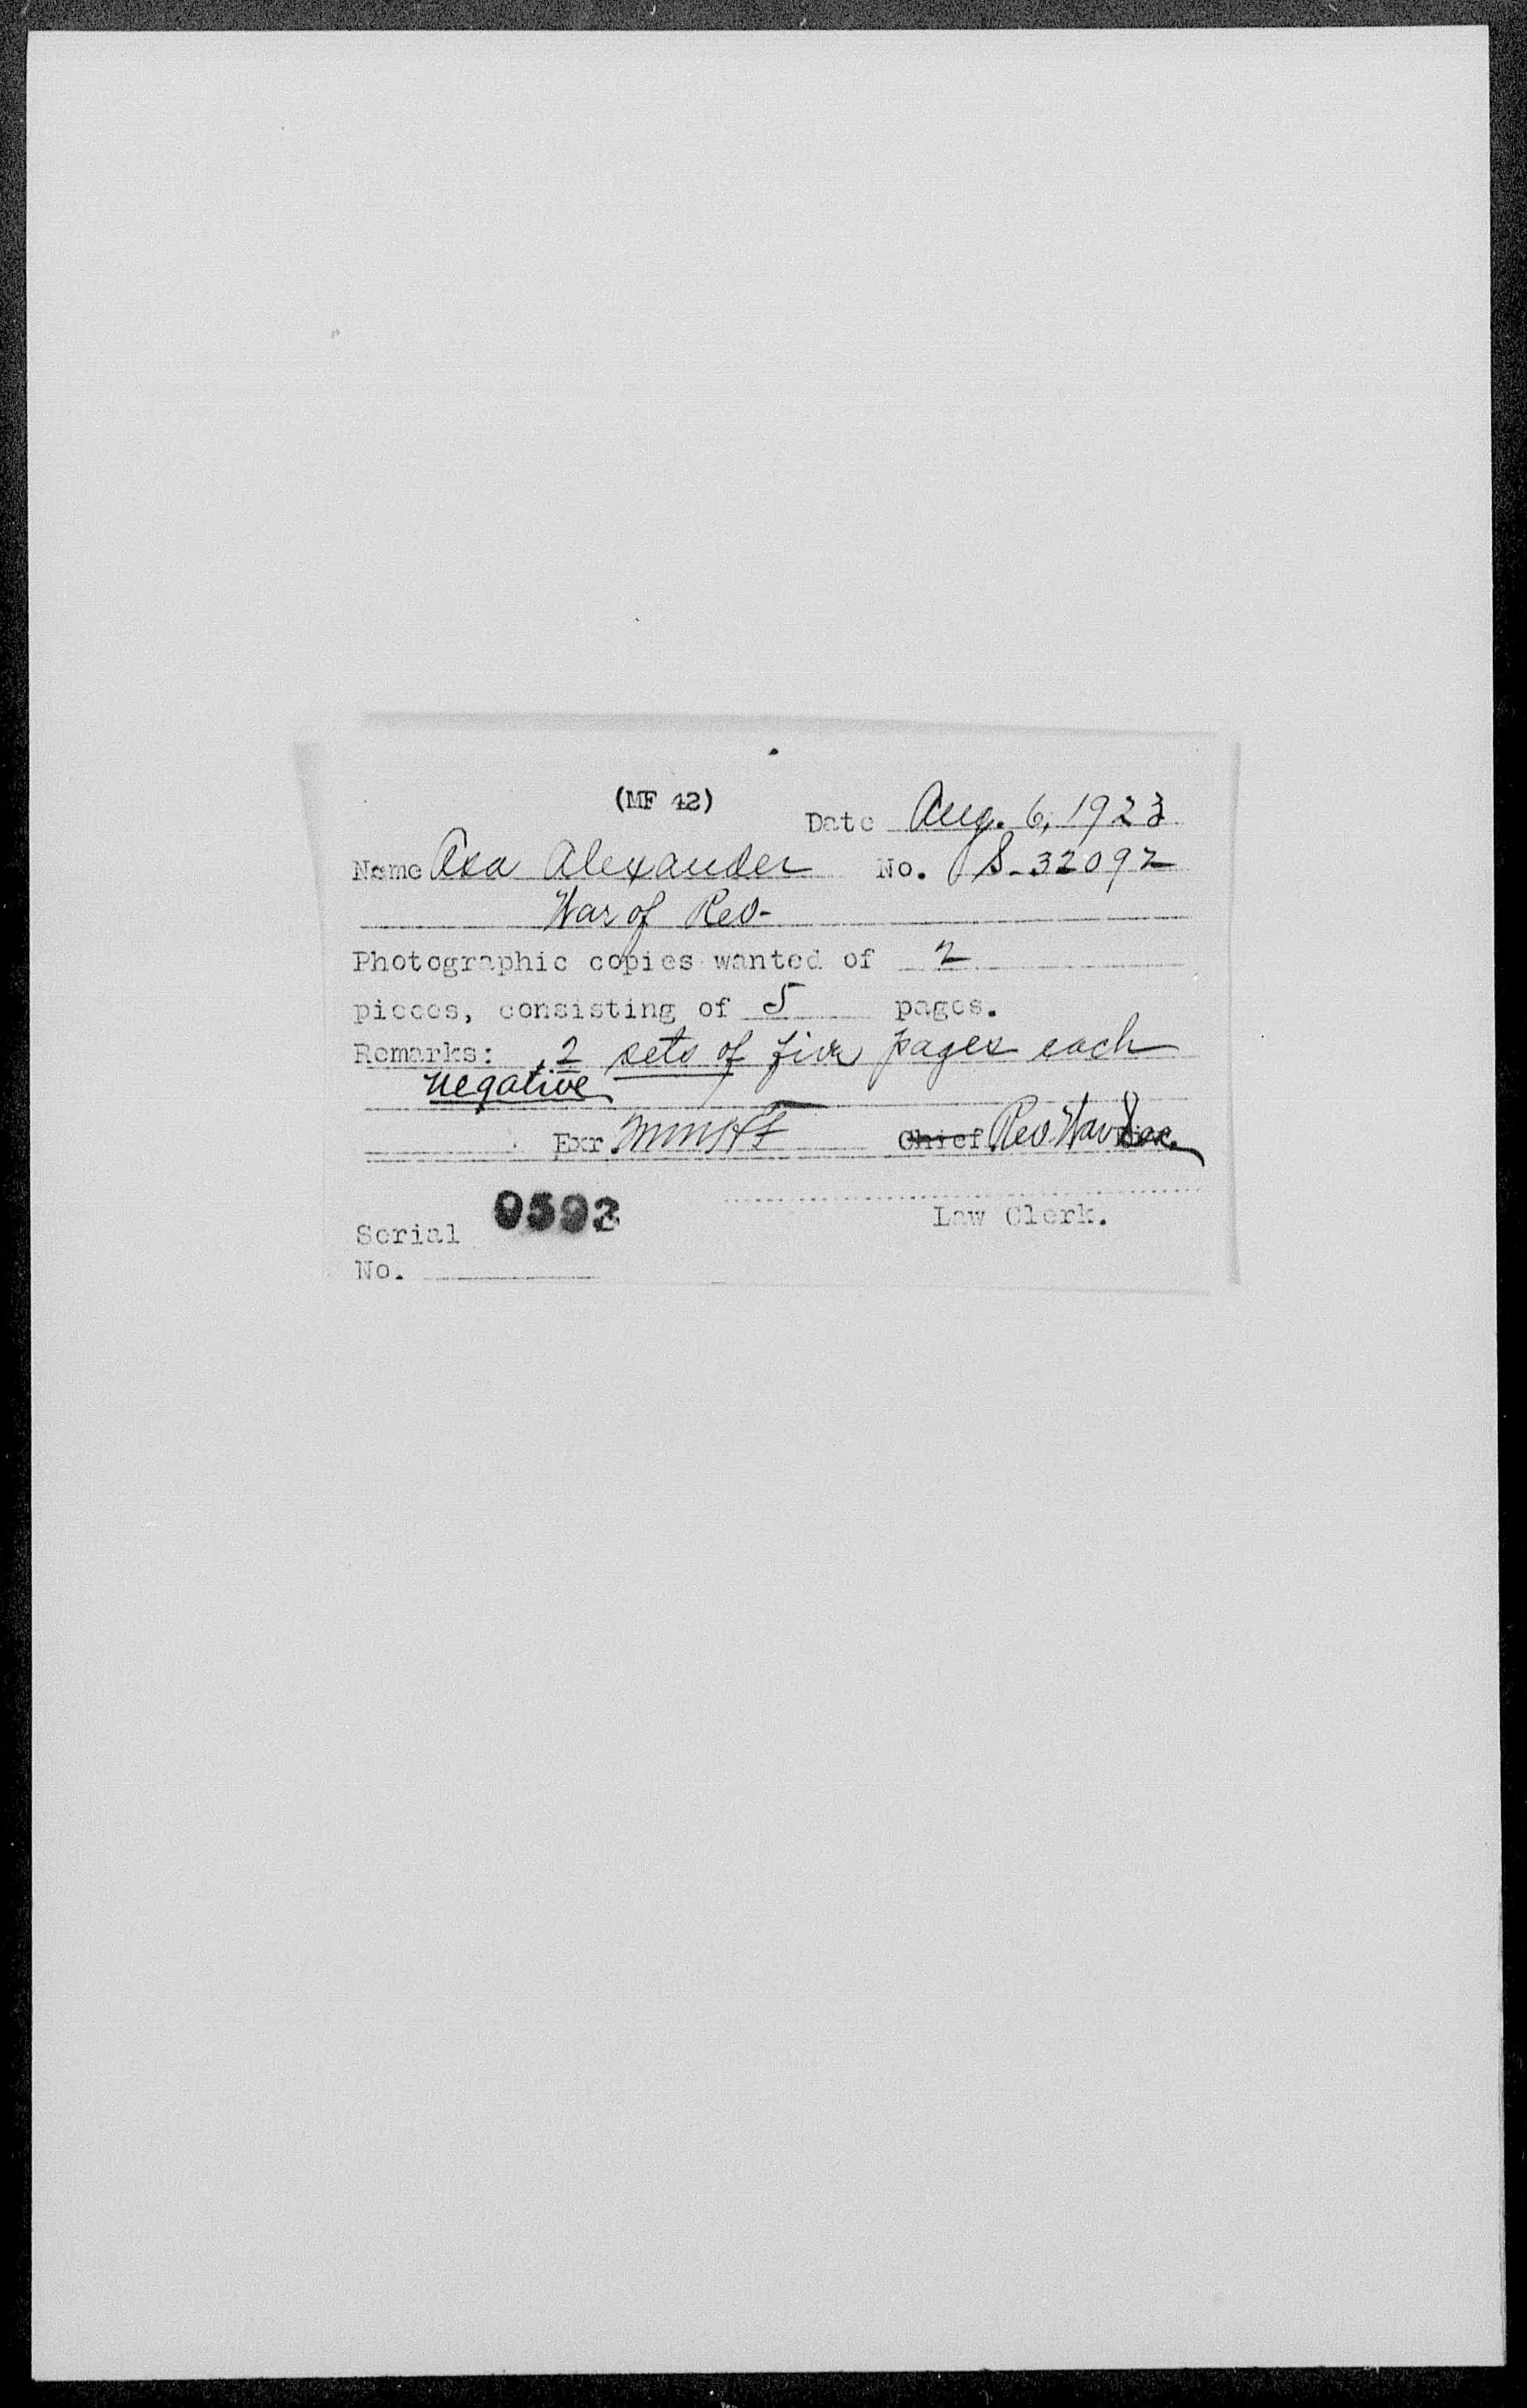Date Aug 6, 1923
Name Asa Aleander No. S.32092
War of Rev
Photographic copies wanted of 2 pieces, consisting of  pages.
Remarks:  sets of five pages each 
Negative
Exr [illegible] Rev [illegible]
Serial 0593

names: Asa Alexander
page: 24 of 35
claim: survivor's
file: S. 32092, Asa Alexander, Ga.